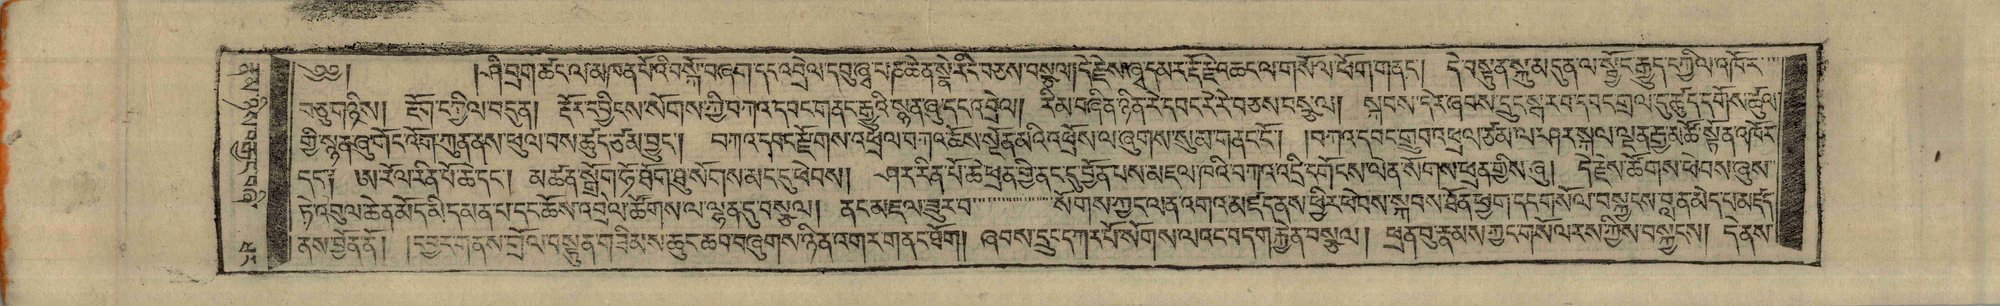༄༅། །ཤི་བྲག་ཚང་ལ་མཁན་པོའི་བསྐོ་བཞག་དང་འབྲེལ་དབུ་ཞྭ་པཎ་ཆེན་སྣེ་རིང་བཅས་བསྩལ། དེ་རྗེས་ཞྭ་དམར་རྡོ་རྗེ་འཆང་ལ་གསོལ་ཕོག་གནང་། དེ་བསྟུན་སྐུ་མདུན་ལ་སྦྱོང་རྒྱུད་དཀྱིལ་འཁོར་
བཅུ་གཉིས། རྔོག་དཀྱིལ་བདུན། རྡོར་དབྱིངས་སོགས་ཀྱི་བཀའ་དབང་གནང་རྒྱུའི་སྙན་ཞུ་དང་འབྲེལ། རིམ་བཞིན་ཉིན་རེ་དབང་རེ་རེ་བཅས་བསྩལ། སྐབས་དེར་ཞབས་དྲུང་སྒར་བ་དབང་གྲལ་དུ་ཚུད་དགོས་ཚུལ་
གྱི་སྙན་ཞུ་གོང་འོག་ཀུན་ནས་ཕུལ་བས་ཚུད་ཙམ་བྱུང་། བཀའ་དབང་རྫོགས་འཕྲལ་བཀའ་ཆོས་སྔོན་མའི་འཕྲོས་ལ་ཞུགས་སུམ་གནང་ངོ། །བཀའ་དབང་གྲུབ་འཕྲལ་ཙམ་ལ་ཤར་སྐལ་ལྡན་རྒྱ་མཚོ་སྟོན་འཁོར་
དང༑ ཨ་རོལ་རིན་པོ་ཆེ་དང་། མཚན་སྒྲོག་ཧོ་ཐོག་ཐུ་སོགས་མང་དུ་ཕེབས། ཤར་རིན་པོ་ཆེ་ཕྲན་གྱི་ནང་དུ་བྱོན་པས་མཇལ་ཁའི་བཀའ་འདྲི་དགོངས་ལེན་སོགས་ཕྲན་གྱིས་ཞུ། དེ་རྗེས་ཚོགས་ཕེབས་ཞུས་
ཏེ་འབུལ་ཆེན་མོད་མི་དམན་པ་དང་ཆོས་འབྲེལ་ཚོགས་ལ་ལྷན་དུ་བསྩལ། ནང་མཇལ་ཟུར་བ་སོགས་ཀྱང་ལན་འགའ་མཛད་ནས་ཕྱིར་ཕེབས་སྐབས་ཐོན་ཕྱག་དང་གསོལ་བསྐྱངས་བླ་ན་མེད་པ་མཛད་
ནས་བྱོན་ནོ། །དབྱར་གནས་གྲོལ་བསྟུན་གཟིམས་ཆུང་ཆབ་བཞུགས་ཉིན་འགར་གནང་ཐོག །ཞབས་དྲུང་དཀར་པོ་སོགས་ལའང་བདག་རྐྱེན་བསྩལ། ཕྲན་བུ་རྣམས་ཀྱང་གསོལ་རས་ཀྱིས་བསྐྱངས། དེ་ནས་